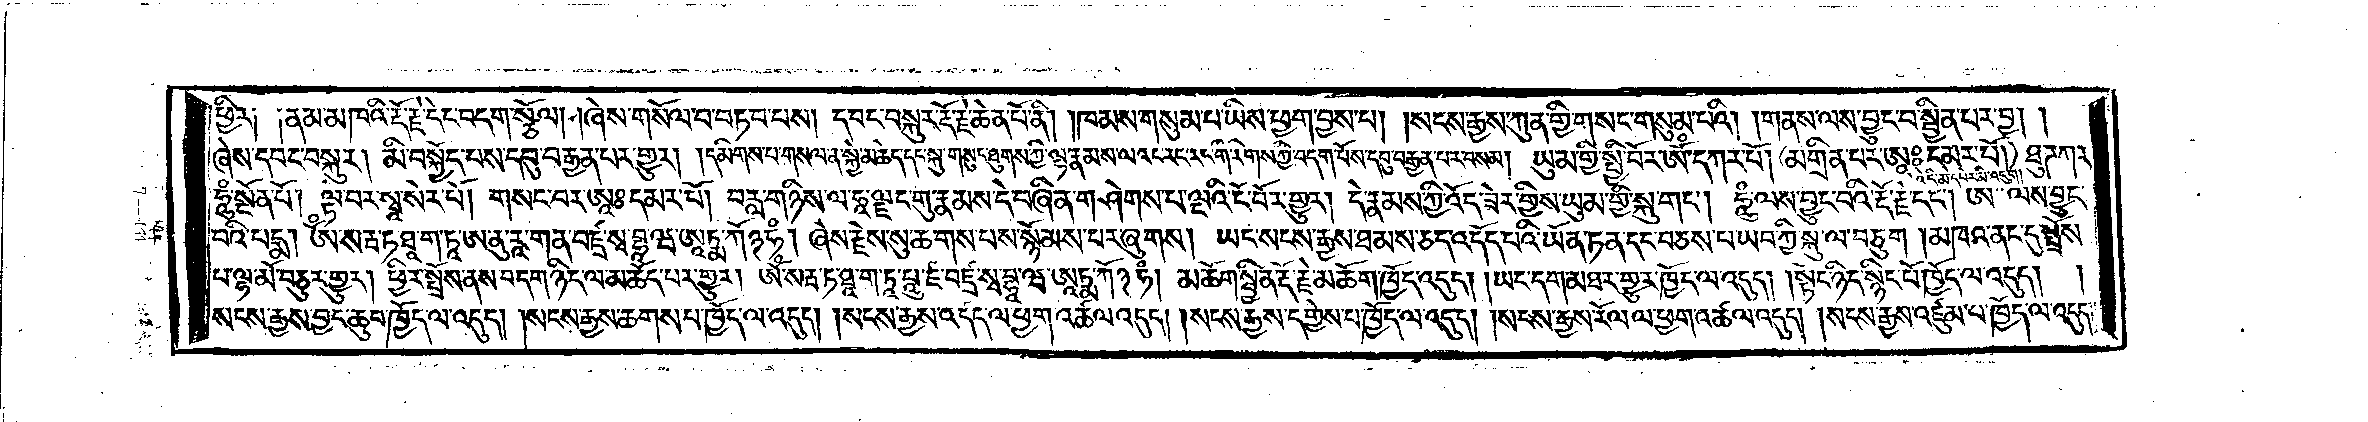ཕྱིར༑ ༑ནམ་མཁའི་རྡོ་རྗེ་དེང་བདག་སྩོལ། །ཞེས་གསོལ་བ་བཏབ་པས། དབང་བསྐུར་རྡོ་རྗེ་ཆེན་པོ་ནི། །ཁམས་གསུམ་པ་ཡིས་ཕྱག་བྱས་པ། །སངས་རྒྱས་ཀུན་གྱི་གསང་གསུམ་པའི། །གནས་ལས་བྱུང་བ་སྦྱིན་པར་བྱ། །
ཞེས་དབང་བསྐུར། མི་བསྐྱོད་པས་དཔུ་བརྒྱན་པར་གྱུར། །དམིགས་པ་གསལ་ན་སྐྱེ་མཆེད་དང་སྐུ་གསུང་ཐུགས་ཀྱི་ལྷ་རྣམས་ལའང་རང་རང་གི་རིགས་ཀྱི་བདག་པོས་དབུ་བརྒྱན་པར་བསམ།  ཡུམ་གྱི་སྤྱི་བོར་ཨོཾ་དཀར་པོ། མགྲིན་པར་ཨཱཿ འདི་མེད་པར་མི་འདུག།  དམར་པོ། ཐུཌ་ཀར་
ཧཱུཾ་སྔོན་པོ། ལྟེ་བར་སྭཱ་སེར་པོ། གསང་བར་ཨཱཿདམར་པོ། བརླ་གཉིས་ལ་ཧཱ་ལྗང་གུ་རྣམས་དེ་བཞིན་གཤེགས་པ་ལྔའི་ངོ་བོར་གྱུར། དེ་རྣམས་ཀྱི་འོད་ཟེར་གྱིས་ཡུམ་གྱི་སྐུ་གང་། ཧཱུཾ་ལས་བྱུང་བའི་རྡོ་རྗེ་དང་། ཨ་ལས་བྱུང་
པའི་པདམ། ཨོཾ་སརྦ་ཏ་ཐཱ་ག་ཏཱ་ཨ་ནུ་རཱ་ག་ན་བཛྲ་སྭ་བྷཱུ་ཝཱ་ཨཱཏྨ་ཀོཉཧཾ། ཞེས་རྗེས་སུ་ཆགས་པས་སྙོམས་པར་ཞུགས། མང་སངས་རྒྱས་ཐམས་ཅད་འདོད་པའི་ཡོན་ཏན་དང་བཅས་པ་ཡབ་ཀྱི་སྐུ་ལ་བཅུག །མཁའ་ནང་དུ་སྤྲོས་
པ་ལྷ་མོ་བཅུར་གྱུར། ཕྱིར་སྤྲོས་ནས་བདག་ཉིད་ལ་མཆོད་པར་གྱུར། ཨོཾ་སརྦ་ཏ་ཐཱ་ག་ཏཱ་པཱུ་ཛ་བཛྲ་སྭ་བྷཱ་ཝ་ཨཱཏྨ་ཀོཉཧཾ། མཆོག་སྦྱིན་རྡོ་རྗེ་མཆོག་ཁྱོད་འདུད། །ཡང་དག་མཐར་གྱུར་ཁྱོད་ལ་འདུད། །སྟོང་ཉིད་སྙིང་པོ་ཁྱོད་ལ་འདུད། །
སངས་རྒྱས་བྱང་ཆུབ་ཁྱོད་ལ་འདུད། །སངས་རྒྱས་ཆགས་པ་ཁྱོད་ལ་འདུད། །སངས་རྒྱས་འདོད་ལ་ཕྱག་འཚལ་འདུད། །སངས་རྒྱས་དགྱེས་པ་ཁྱོད་ལ་འདུད། །སངས་རྒྱས་རོལ་ལ་ཕྱག་འཚལ་འདུད། །སངས་རྒྱས་འཛུམ་པ་ཁྱོད་ལ་འདུད།